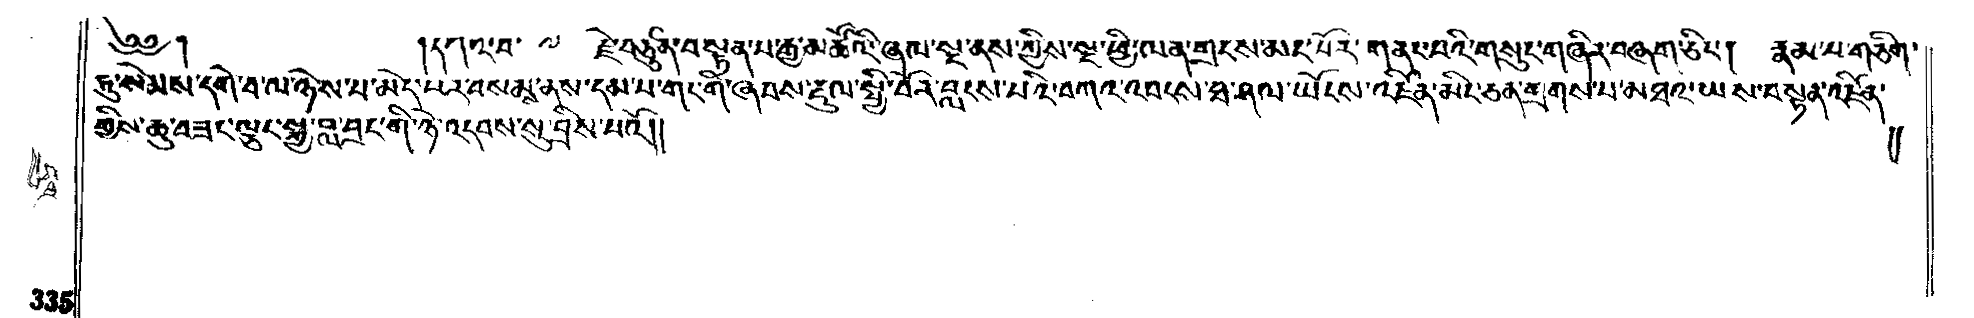༄༅། །དགའ་བ ༧་རྗེ་བཙུན་བསྟན་པ་རྒྱ་མཚོའི་ཞལ་སྔ་ནས་ཀྱིས་སྔ་ཕྱི་ལན་གྲངས་མང་པོར་གནང་བའི་གསུང་གཞིར་བཞག་ཅིང་། རྣམ་པ་གཅིག་
ཏུ་སེམས་དགེ་བ་ལ་ཉེས་པ་མེད་པར་བསམས་ནས་དམ་པ་གང་གི་ཞབས་རྡུལ་སྤྱི་བོར་བླངས་པའི་བཀའ་འབངས་ཐ་ཤལ་ཡོངས་འཛིན་མིང་ཅན་གྲགས་པ་མཐའ་ཡས་བསྟན་འཛིན་
གྱིས་ཆུ་བཟང་ལྕང་སྐྱ་བླ་བྲང་གི་ཉེ་འདབས་སུ་བྲིས་པའོ།། །།